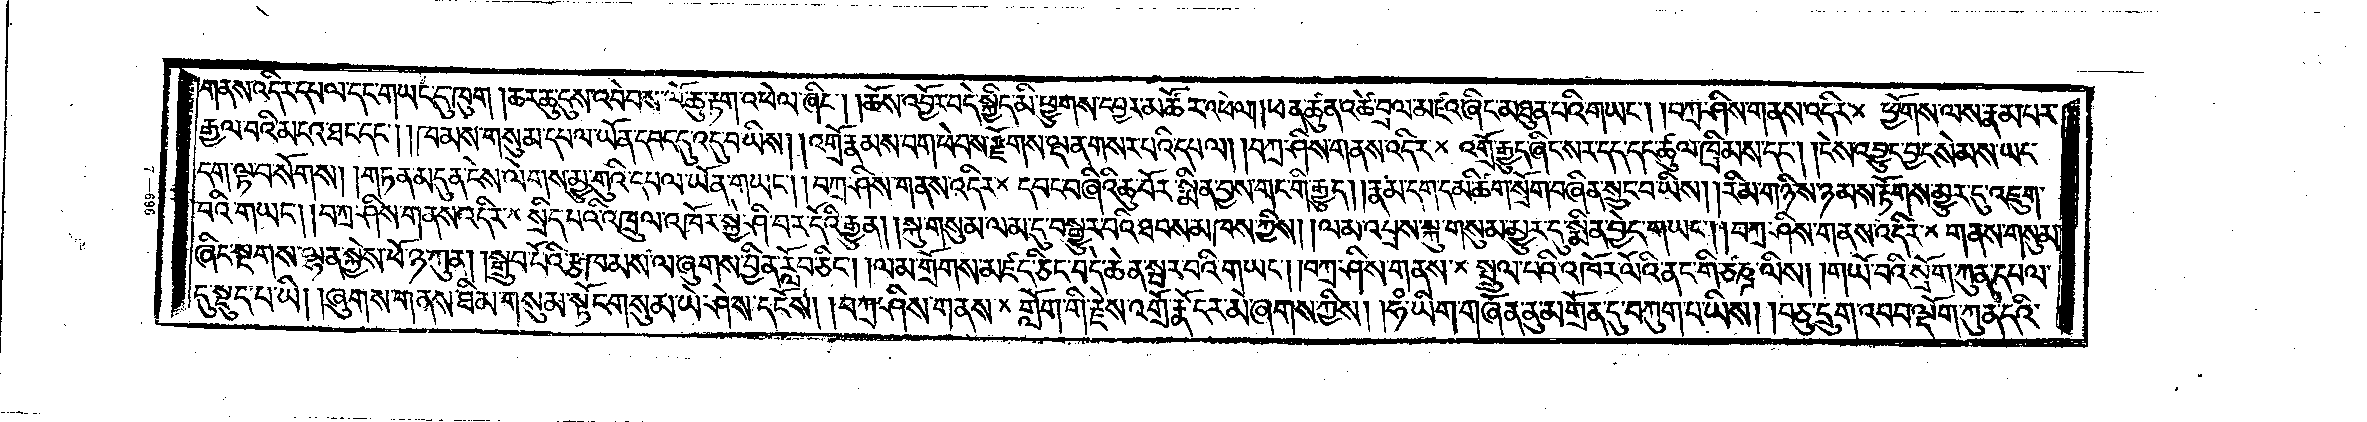གནས་འདིར་དཔལ་དང་གཡང་དུ་ཁུག །ཆར་ཆུ་དུས་འབེབས་ལོ་ཚུ་རྟག་འཕེལ་ཞིང་། །ཆོས་འབྱོར་བདེ་སྐྱིད་མི་ཕྱུགས་དབྱར་མཚོར་འཕེལ། །ཕན་ཚུན་འཚེ་བྲལ་མཛའ་ཞིང་མཐུན་པའི་གཡང་། །བཀྲ་ཤིས་གནས་འདིར་྾་ཕྱོགས་ལས་རྣམ་པར་
རྒྱལ་བའི་མངའ་ཐང་དང་། །ཁམས་གསུམ་དཔལ་ཡོན་དབང་དུ་འདུ་བ་ཡིས། །འགྲོ་རྣམས་བཀག་ཕེབས། རྫོགས་ལྡན་གསར་བའི་དཔལ། །བཀྲ་ཤིས་གནས་འདིར་྾་འགྲོ་རྒྱུད་ཞིང་སར་དད་དང་ཚུལ་ཁྲིམས་དང་། །ངེས་འབྱུང་བྱང་སེམས་ཡང་
དག་ལྟ་བ་སོགས། །གཏན་མདུན་ངེས་ལེགས་མྱུ་གུའི་དཔལ་ཡོན་གཡང།། །བཀྲ་ཤིས་གནས་འདིར་྾་དབང་བཞིའི་ཆུ་བོར་སྨིན་བྱས་གང་གི་རྒྱུད། །རྣམ་དག་དམ་ཚིག་སྲོག་བཞིན་སྲུང་བ་ཡིས། །རིམ་གཉིས་ཉམས་རྟོགས་མྱུར་དུ་འཇུག་
པའི་གཡང་། །བཀྲ་ཤིས་གནས་འདིར་྾་སྲིད་པའི་འཁྲུལ་འཁོར་སྐྱེ་ཤི་བར་དོའི་རྒྱུན། །སྐུ་གསུམ་ལམ་དུ་བསྒྱུར་བའི་ཐབས་མཁས་ཀྱིས། །ལམ་འབྲས་ཀུ་གསུམ་མྱུར་དུ་སྨིན་བྱེད་གཡང་། །བཀྲ་ཤིས་གནས་འདིར་྾་གནས་གསུམ་
ཞིང་སྔགས་ལྷན་སྐྱེས་ཕོ་ཉ་ཀུན། །སྒྲུབ་པོའི་རྩ་ཁམས་ལ་ཞུགས་བྱིན་རློབ་ཅིང་། །ལམ་གྲོགས་མཛད་ཅིང་བདེ་ཆེན་པར་བའི་གཡང་། །བཀྲ་ཤིས་གནས་྾་སྤྲུལ་པའི་ལོའི་ནང་གི་ཙན་རིས། །གཡོ་བའི་སྲོག་ཀུན་དཔལ་
དུ་སྡུད་པ་ཡི། །ཞུགས་གནས་ཐིམ་གསུམ་སྟོང་གསུམ་ཡེ་ཤེས་དངོས། །བཀྲ་ཤིས་གནས་྾་གློག་གི་རྗེས་འགྲོ་རྣོད་མེ་ཞགས་ཀྱིས། །ཧཾ་ཡིག་གཞོན་ནུ་མགྲོན་དུ་བཀུག་པ་ཡིས། །བཅུ་དྲུག་འབབ་ལྡོག་ཀུན་དའི་